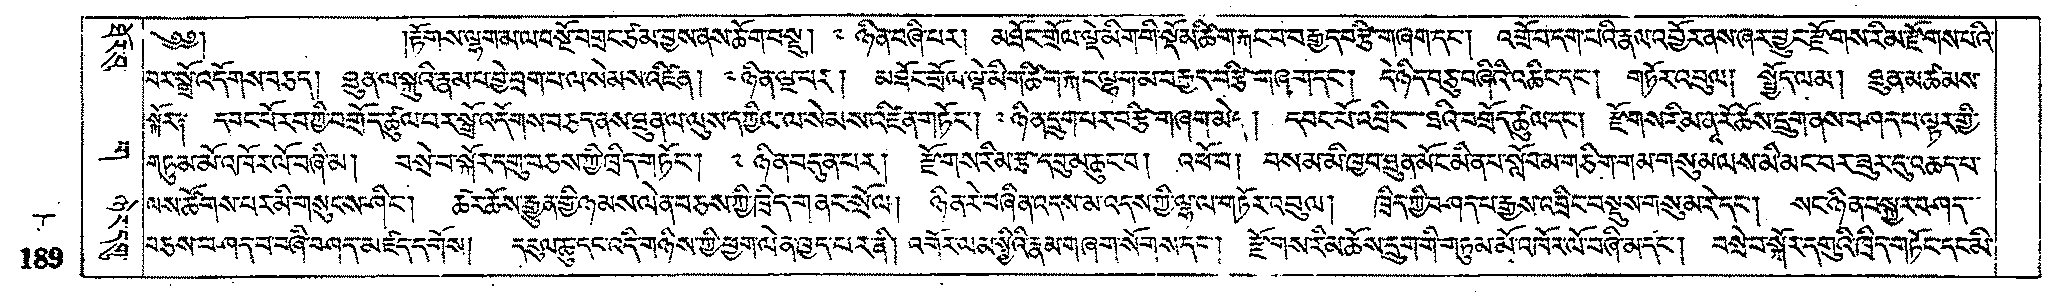༄༅། །རྟོགས་ལྷག་མ་ལ་བསྔོ་བགྲང་ཙམ་བྱས་ནས་ཆོ་ག་བསྡུ། ༧་ཉིན་བཞི་པར། མཐོང་གྲོལ་ལྡེ་མིག་གི་སྡོམ་ཚིག་རྐང་པ་བརྒྱད་བརྩི་གཞག་དང་། འགྲོ་བ་དག་པའི་རྣལ་འབྱོར་ནས་ཞར་བྱུང་རྫོགས་རིམ་རྫོགས་པའི་
བར་སྒྲོ་འདོགས་བཅད། ཐུན་ལ་སྐུའི་རྣམ་པ་བྱེ་བྲག་པ་ལ་སེམས་འཛིན། ༧་ཉིན་ལྔ་པར། མཐོང་གྲོལ་ལྡེ་མིག་ཚིག་རྐང་ལྷག་མ་བརྒྱད་བརྩི་གཞག་དང་། དེ་ཉིད་བཅུ་བཞིའི་འཆིང་དང་། གཏོར་འབུལ། སྤྱོད་ལམ། ཐུན་མཚམས་
སྐོར༑ དབང་པོ་རབ་ཀྱི་བགྲོད་ཚུལ་པར་སྒྲོ་འདོགས་བཅད་ནས་ཐུན་ལ་ལུས་དཀྱིལ་ལ་སེམས་འཛིན་གཏོང་། ༧་ཉིན་དྲུག་པར་བརྩི་གཞག་མེད། དབང་པོ་འབྲིང་་་ཐའི་བགྲོད་ཚུལ་དང་། རྫོགས་རིམ་ནཱ་རོ་ཆོས་དྲུག་ནས་བཤད་པ་ལྟར་གྱི་
གཏུམ་མོ་འཁོར་ལོ་བཞི་མ། བསྲེ་བ་སྐོར་དགུ་བཅས་ཀྱི་ཁྲིད་གཏོང་། ༧་ཉིན་བདུན་པར། རྫོགས་རིམ་རྩ་དབུ་མ་ཆུང་བ། འཕོ་བ། བསམ་མི་ཁྱབ་ཐུན་མོང་མིན་པ་སློབ་མ་གཅིག་གང་སུམ་ལས་མི་མང་བར་ཟུར་དུ་འཆད་པ་
ལས་ཚོགས་པར་མི་གསུངས་ཤིང་། ཚར་ཆོས་རྒྱུན་གྱི་ཉམས་ལེན་བཅས་ཀྱི་ཁྲིད་གནང་སྲོལ། ཉིན་རེ་བཞིན་འདས་མ་འདས་ཀྱི་ལྷ་ལ་གཏོར་འབུལ། ཁྲིད་ཀྱི་བཤད་པ་རྒྱས་འབྲིང་བསྡུས་གསུམ་རེ་དང་། སང་ཉིན་བསྐྱར་བཤད་་་
བཅས་བཤད་པ་བཞི་བཤད་མཛད་དགོས། དངུལ་ཆུ་དང་འདི་གཉིས་ཀྱི་ཕྱག་ལེན་ཁྱད་པར་ནི། འགོར་ལམ་སྤྱིའི་རྣམ་གཞག་སོགས་དང་། རྫོགས་རིམ་ཆོས་དྲུག་གི་གཏུམ་མོ་འཁོར་ལོ་བཞི་མ་དང་། བསྲེ་བ་སྐོར་དགུའི་ཁྲིད་གཏོང་དང་མི་